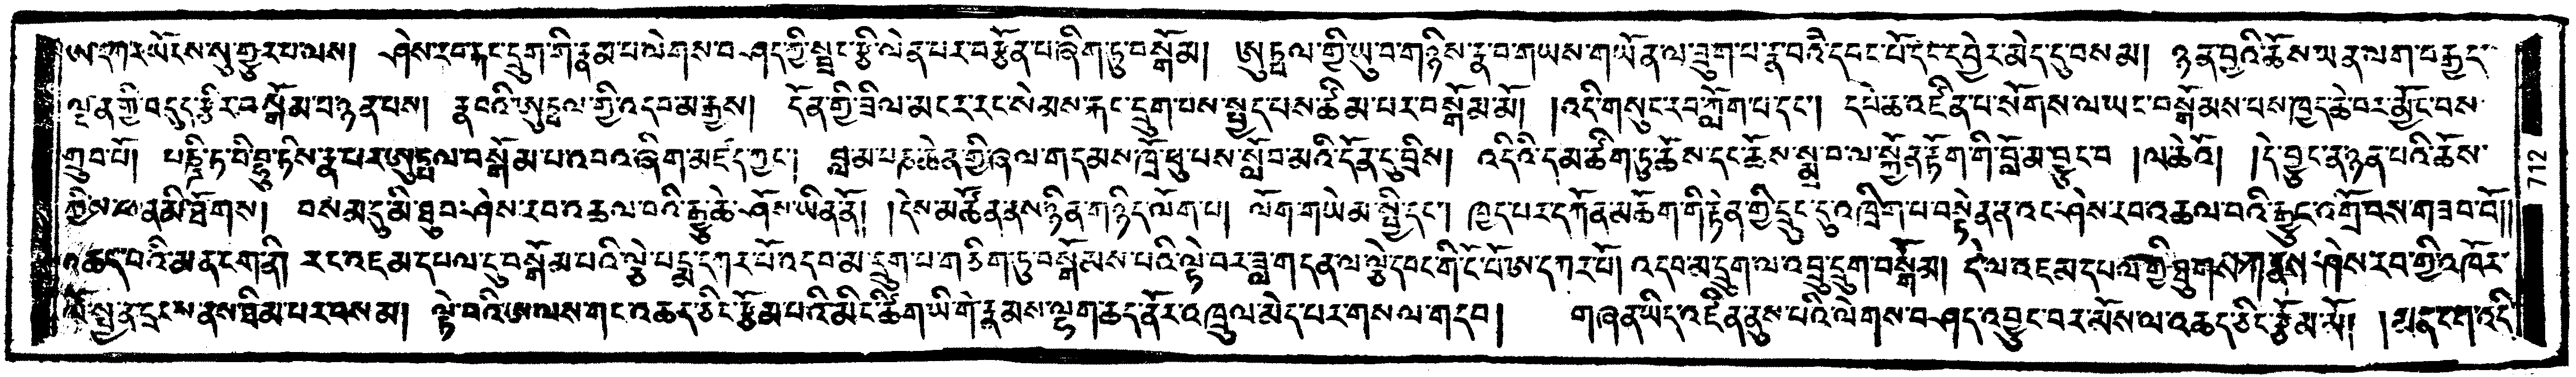ཨ་དཀར་ཡོངས་སུ་གྱུར་པ་ལས། ཤེས་རབ་རྐང་དྲུག་གི་རྣམ་པ་ལེགས་བཤད་ཀྱི་སྦྲང་རྩི་ལེན་པར་བརྩོན་པ་ཞིག་ཏུ་བསྒོམ། ཨུཏྤལ་གྱི་ཡུ་བ་གཉིས་རྣ་བ་གཡོན་ལ་ཟུག་པ་རྣ་བའི་དབང་པོ་དང་དབྱེར་མེད་དུ་བསམ། ཉན་བྱའི་ཆོས་ཡན་ལག་བརྒྱད་
ལྡན་གྱི་བདུད་རྩིར་བསྒོམ་པ་ཉན་པས། རྣ་བའི་ཨུཏྤལ་གྱི་འདབ་མ་རྒྱས། དོན་གྱི་ཟིལ་མངར་རང་སེམས་རྐང་དྲུག་པས་སྤྱད་པས་ཚིམ་པར་སྒོམ་མོ། །འདི་གསུང་རབ་ཀློག་པ་དང་། དཔེ་ཆ་འཛིན་པ་སོགས་ལ་ཡང་བསྒོམས་པས་ཁྱད་ཅེ་བར་མྱོང་བས་
གྲུབ་པོ། པཎྜི་ཏ་བི་བྷུ་ཏིས་རྣ་པར་ཨུཏྤལ་བསྒོམ་པ་འབའ་ཞིག་མཛད་ཀྱང་། བླ་མ་པཎ་ཆེན་གྱི་ཞལ་གདམས་ཁྲོ་ཕུ་པས་སློབ་མའི་དོན་དུ་བྲིས། འདིའི་དམ་ཚིག་ཆུ་ཆོས་དང་ཆོས་སྨྲ་བ་ལ་སྐྱོན་རྟོག་གི་བློག་བྱུང་བཀལ་ཆེའོ། །དེ་བྱུང་ནྦ་ཉན་པའི་ཆོས་
ཀྱིས་ཕན་མི་ཐོག། བསམ་དུ་མི་ཐུབ་ཤེས་རབ་འཆལ་བའི་རྒྱུ་ཆེ་ཤོས་ཡིན་ནོ། །དེས་མཚོན་ནས་ཉིན་གཉིད་ལོག་བ། ལོག་གཡེམ་སྤྱི་དང་། ཁྱད་པར་དཀོན་མཆོག་གི་རྟེན་གྱི་དྲུང་དུ་འཁྲིག་བ་བསྟེན་?་ཤེས་རབ་འཆལ་བའི་རྒྱུར་ཤ་གྲོ་ངས་གཟབ་བོ་
འཆད་པའི་མན་ངག་ནི། རང་འཇམ་དཔལ་དུ་བསྒོམ་པའི་ལྕེ་པདམ་དཀར་པོ་འདབ་མ་དྲུག་པ་གཅིག་ཏུ་བསྒོམས་པའི་ལྟ་བར་ཟླ་གདན་ལྕེ་དབང་གོ་ངོ་པོ་ཨ་དཀར་པོ། འདང་མ་དྲུག་ལ་འབྲུ་དྲུག་བསྒོམ། དེ་ལ་འཇམ་དཔལ་ཀྱི་ཐུགས་ཀ་ནས། ཤེས་དབ་གྱི་འཁོར་
ལོ་སྤྱན་དྲངས་ནས་ཐིམ་པར་བསམ། ལྟེ་བའི་ཨ་ལས་གང་འཆད་ཅིང་རྩོམ་པའི་མིང་ཚིག་ཡི་གེ་རྣམས་ལྷག་ཆད་ནོར་འཁྲུལ་མེད་པར་གསལ་གདབ། གཞན་ཡིད་འཛིན་ནུས་པའི་ལེགས་བཤད་འབྱུང་བར་མོས་ལ་འཆད་ཅིང་རྩོམ་མོ། །མན་ངག་འདི་